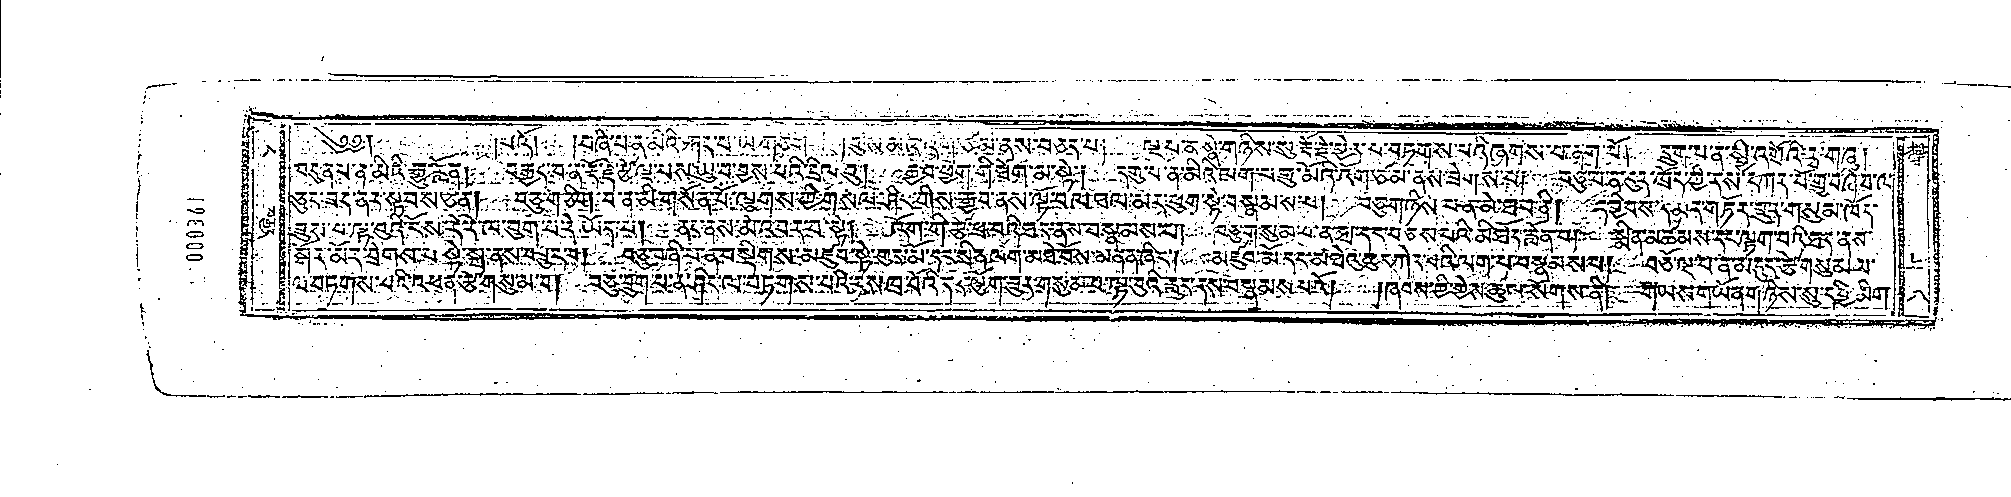༄༅། །པའོ། །བཞི་པ་ན་མིའི་རྐང་པ་ཡ་གཅིག །པུས་མོའི་འོག་ཙམ་ནས་བཅད་པ། ལྔ་པ་ན་སྣེ་གཉིས་སུ་རྡོ་རྗེ་ཕྱེད་པ་བཏགས་པའི་ཞགས་པ་ནག་པོ། དྲུག་པ་ན་སྤྱི་འགྲོའི་རྭ་གཞུ།
བདུན་པ་ན་མིའི་རྒྱུ་རློན། བརྒྱད་བ་ན་རྡོ་རྗེ་རྩེ་ལྔ་པས་ཡུ་བ་བྱས་པའི་དྲིལ་བུ། རྒྱ་བ་ཕྱག་གི་ཐོག་མ་སྟེ། དགུ་པ་ན་མིའི་ལག་པ་གྲུ་མོའི་འོག་ཙམ་ནས་བྲེགས་པ། བཅུ་པ་ན་དུར་ཁྲོད་ཀྱི་རས་དཀར་པོ་གྲུབ་ཞི་པ་ལ་
ཅུང་ཟད་ནར་སྟབས་ཅན། བཅུ་གཅིག་བ་ནི་མི་གསོན་པོ་ལྕགས་ཀྱི་གསལ་ཤིང་གིས་རྒྱབ་ནས་ལྟོ་བ་ལ་ཐལ་མར་ཕུག་སྟེ་བསྣམས་པ། བཅུ་གཉིས་པ་ན་མེ་ཐབ་ནི། དབྱིབས་དཀར་གཏོར་ཟུར་གསུམ་ཁོད་
ཟུས་པ་ལྟ་བུའི་ངོས་རེ་རེ་ལ་བུག་པ་དེ་ཡོད་པ། ནང་ནས་མེ་འབར་བ་སྟེ། འོག་གི་རྩེ་ཕྲ་བའི་ཐད་ནས་བསྣམས་པ། བཅུ་གསུམ་པ་ནི་སྐྲ་དང་བཅས་པའི་མི་ཐོད་རློན་པ། སྨིན་མཚམས་དང་ལྟག་པའི་ཐད་ནས་
སྒོར་མོར་བྲེགས་པ་སྟེ་སྒྲ་ནས་བཟུང་བ། བཅུ་བཞི་པ་ན་བསྡིགས་མཛུབ་སྟེ་གུང་མོ་དང་སྲིན་ལག་མཐེ་བོས་མནན་ཞིང་། མཛུབ་མོ་དང་མཐེའུ་ཆུང་ཀེང་བའི་ལག་པ་བསྣམས་པ། བཅོ་ལྔ་པ་ན་མདུད་རྩེ་གསུམ་པ་
ལ་བཏགས་པའི་འཕན་རྩེ་གསུམ་པ། བཅུ་དྲུག་པ་ན་ཤིང་ལ་བཏགས་པའི་རས་ཁྲ་བོའི་དར་ལྕོག་ཟུར་གསུམ་བ་ལྟ་བུའི་རླུང་རས་བསྣམས་པའོ། །ཞབས་ཀྱི་གྱེས་ཚུལ་སོགས་ནི། གཡས་གཡོན་གཉིས་སུ་དབྱི་མིག་